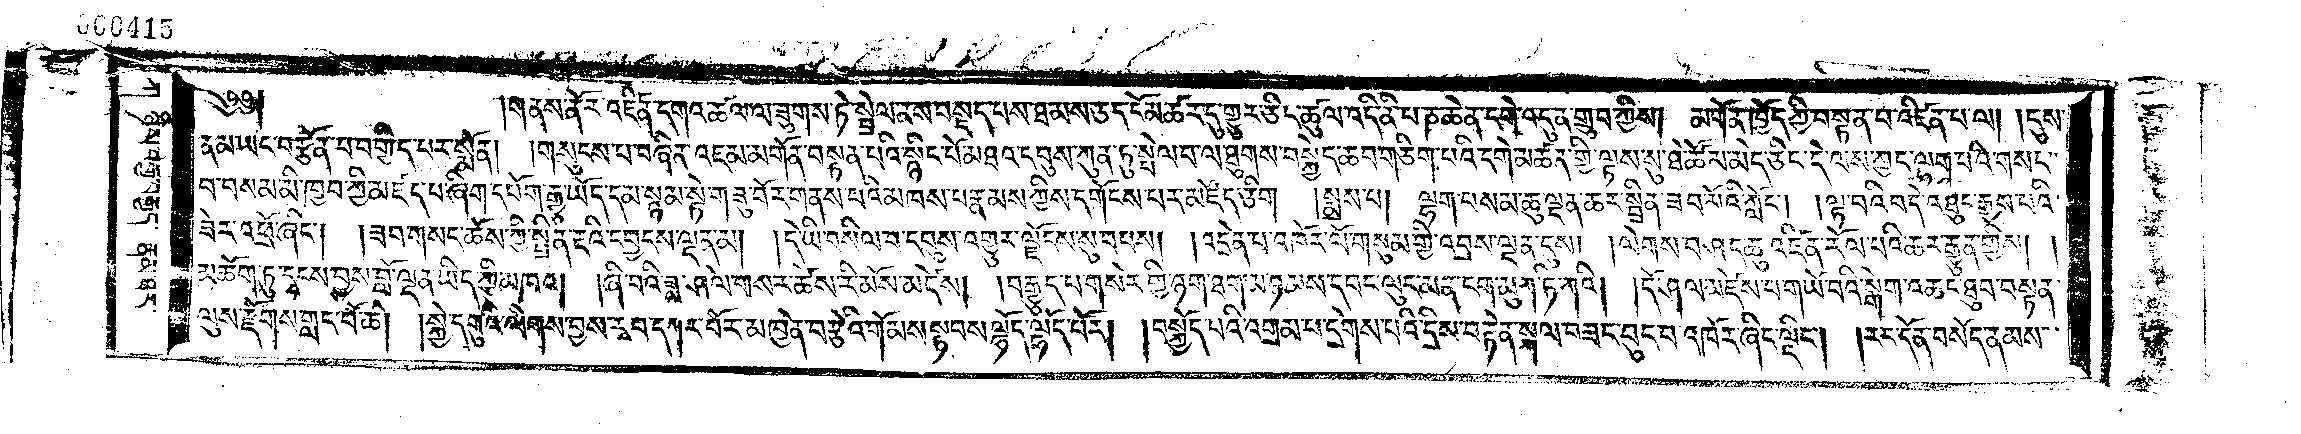༄༅། །གནས་ནོར་འཛིན་དགའ་ཚལ་ལ་ཟུགས་ཏེ་སྤྲེལ་ནས་བསྡད་པས་ཐམས་ཅད་ངོ་མཚར་དུ་གྱུར་ཅིང་ཚུལ་འདི་ནི་པཎ་ཆེན་དགེ་འདུན་གྲུབ་ཀྱིས། མགོན་ཁྱོད་ཀྱི་བསྟན་པ་འཛིན་པ་ལ། །དུས་
ནམ་ཡང་བརྩན་པ་བགྱིད་པར་སྨོན། །གསུངས་པ་བཞིན་འཇམ་མགོན་བསྟན་པའི་སྙིང་པོ་མཐའ་དབུས་ཀུན་ཏུ་སྤེལ་བ་ལ་ཐུགས་བསྐྱེད་ཆབ་གཅིག་པའི་དགེ་མཚན་གྱི་ལྟས་སུ་ཐེ་ཚོམ་མེད་ཅིང་དེ་ལས་ཀྱང་ལྷག་པའི་གསང་
བ་བསམ་མི་ཁྱབ་ཀྱི་མཛད་པ་ཞིག་དཔོག་རྒྱུ་ཡོད་དམ་སྙམ་སྟེ་གཟུ་བོར་གནས་པའི་མཁས་པ་རྣམས་ཀྱིས་དགོངས་པར་མཛོད་ཅིག །སྨྲས་པ། ལྷག་བསམ་ཆུ་ལྡན་ཆར་སྤྲིན་ཟབ་མོའི་ཀློང་། །ལྟ་བའི་བདེ་འཐུང་རྒྱས་པའི་
ཟེར་འཕྲོ་ཞིང་། །ཟབ་གསང་ཆོས་ཀྱི་སྤྲིན་རྔའི་དབྱངས་ལྡན་མ། །དེ་ཡི་བསིལ་བ་དབུས་འགྱུར་ལྗོངས་སུ་བབས། །འདྲེན་པ་འཁོར་ལོ་གསུམ་གྱི་འབྲས་ལྡན་དུས། །ལེགས་བཤད་ཆུ་འཛིན་རོལ་པའི་ཆར་རྒྱུན་གྱིས། །
མཆོག་ཏུ་དྭངས་བྱས་བློ་ལྡན་ཡིད་ཀྱི་མཁའ། །ཞི་བའི་ཟླ་ཤེལ་གསར་ཚེས་རི་མོས་མཛེས། །བརྒྱུད་པ་གསེར་གྱི་ཉག་ཐག་མ་ཉམས་དབང་ལུང་མན་ངག་མུ་ཀ་ཏི་ཀའི། །དེ་ཤལ་མཛེས་པ་གཡོ་བའི་སྒེག་འཆང་ཐུབ་བསྟན་
ལུས་རྫོགས་ལྒང་པོ་ཆེ། །སྐྱེ་དགུའི་ལེགས་བྱས་རྭ་བ་དཀར་པོར་མཁྱེན་བརྩེའི་གོམས་སྟབས་ལྷོད་ལྷོད་པོར། །བསྐྱོད་པའི་འགྲམ་པ་དྲེགས་པའི་དྲིས་བརྟེན་སྐལ་བཟང་བུང་བ་འཁོར་ཞིང་ལྡིང་། །རང་དོན་བསོད་ནམས་